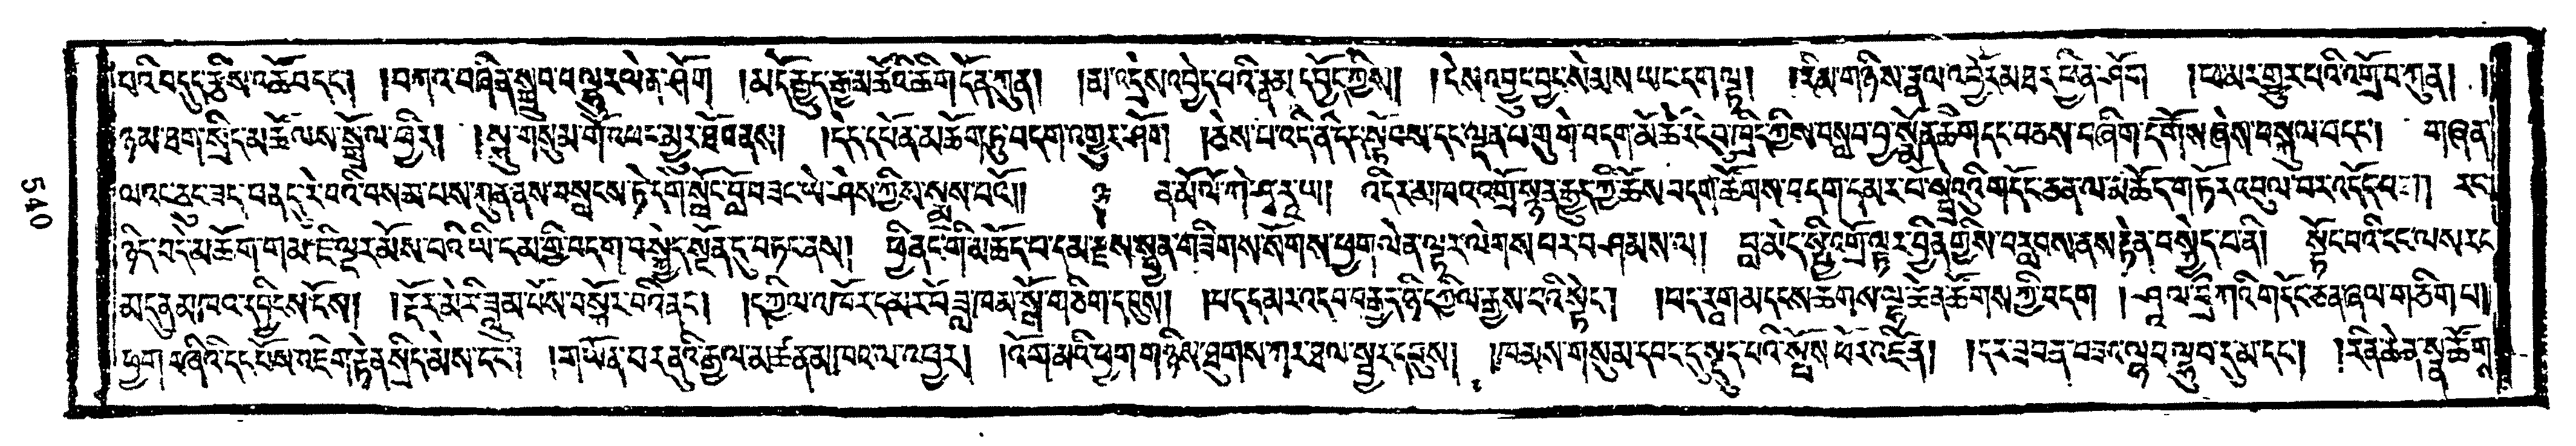པའི་བདུད་རྩིས་འཚོ་བ་དང་། །བཀའ་བཞིན་སྒྲུབ་པ་ལྷུར་ལེན་ཤོག །མདོ་རྒྱུད་རྒྱ་མཚོའི་ཚིག་དོན་ཀུན། །མ་འདྲེས་འབྱེད་པའི་རྣམ་དཔྱོད་ཀྱིས། །ངེས་འབྱུང་བྱང་སེམས་ཡང་དག་ལྟ། །རིམ་གཉིས་རྣལ་འབྱོར་མཐར་ཕྱིན་ཤོག །ཕ་མར་གྱུར་པའི་འགྲོ་བ་ཀུན། །
ཉམ་ཐག་སྲིད་མཚོ་ལས་སྒྲོལ་ཕྱིར། །སྐུ་གསུམ་གོ་འཕར་མྱུར་ཐོབ་ནས། །དེད་དཔོན་མཆོག་ཏུ་བདག་འགྱུར་ཤོག །ཅེས་པ་འདི་ནི་དད་སྟོབས་དང་ལྡན་པ་གུ་གེ་བདག་མོ་ཚེ་རིང་བུ་ཁྲིད་ཀྱིས་བསླབ་བྱ་སྨོན་ཚིག་དང་བཅས་བཞིག་དགོས་ཞེས་བསྐུལ་བ་དང་། གཞན་
ལའང་ཅུང་ཟད་བན་དུ་རེ་བའི་བསམ་པས་ཀུན་ནས་བསླངས་ཏེ་དགེ་སློང་བློ་བཟང་ཡེ་ཤེས་ཀྱིས་སྨྲས་པའོ།། ༈ ན་མོ་ལོ་ཀེ་ཤྭ་རཱ་ཡ། འདིར་མཁའ་འགྲོ་སྙན་རྒྱུད་ཀྱི་ཆོས་བདག་ཚོགས་བདག་དམར་པོ་སྤྲེའུའི་གདོང་ཅན་ལ་མཆོད་གཏོར་འབུལ་བར་འདོད་པས། རང་
ཉིད་བདེ་མཆོག་གམ་ཇི་ལྟར་མོས་པའི་ཡི་དམ་གྱི་བདག་བསྐྱེད་སྔོན་དུ་བཏང་ནས། ཕྱི་ནང་གི་མཆོད་བ་དམ་རྫས་སྤྱན་གཟིགས་སོགས་ཕྱག་ལེན་ལྟར་ལེགས་པར་བཤམས་ལ། བླ་མེད་སྤྱི་འགྲོ་ལྟར་བྱིན་གྱིས་བརླབས་ནས་རྟེན་བསྐྱེད་པ་ནི། སྟོང་པའི་ངན་ལས་རང་
མདུན་མཁའ་དབྱིངས་ངོས། །རྡོར་མེ་རི་ཟླུམ་པོས་བསྐོར་བའི་ནང་། །དཀྱིལ་འཁོར་དམར་པོ་ཟླ་ཁམ་སྒོ་གཅིག་དབུས། །པད་དམར་འདབ་བརྒྱད་ཉི་དཀྱིལ་རྒྱས་པའི་སྟེང་། །པད་རཱག་མདངས་ཆགས་ལྷ་ཆེན་ཚོགས་ཀྱི་བདག །ཤཱ་ལ་དྲྀ་ཀའི་གདོང་ཅན་ཞལ་གཅིག་པ།
ཕྱག་བཞིའི་དང་པོས་འཇིག་རྟེན་སྲིད་མེས་དང་། །གཡོན་བར་ནུའི་རྒྱལ་མཚན་མཁའ་ལ་འབྱར། །འོག་མའི་ཕྱག་གཉིས་ཐུགས་ཀར་ལྠལ་སྦྱར་དབུས། །ཁམས་གསུམ་དབང་དུ་སྡུད་པའི་སྤོས་ཕོར་འཛིན། །དར་ཟབ་ན་བཟའ་ལྷབ་ལྷུབ་དུ་མ་དང་། །རིན་ཆེན་སྣ་ཚོག་